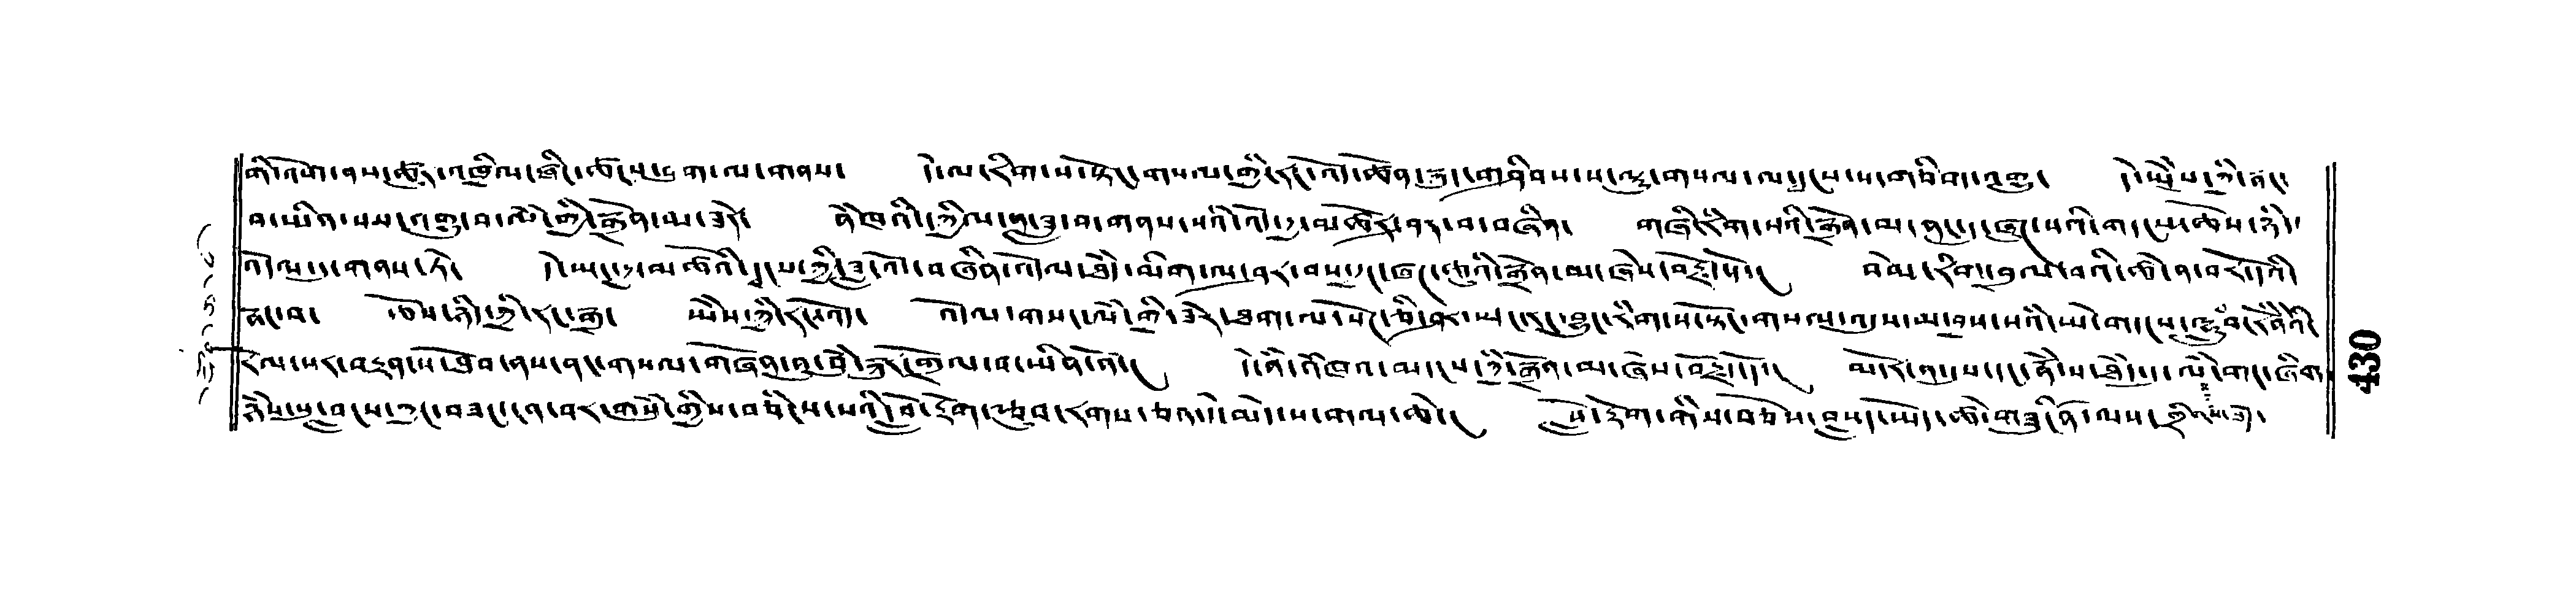གི་འོག་ནས་ཚུར་འཁྱིལ་ཞིང་ཚངས་བུག་ལ་གནས། དེ་ལ་རིག་པ་སྟོང་གསལ་གྱི་རང་འོད་ཚོན་སྐུད་གཤིབས་པ་ལྟ་བུ་གསལ་ལ་དྭངས་པ་གཅིག་འགྱུ། དེ་ཡེ་ཤེས་ཀྱི་སྣང་
བ་ཡིན་པས་འགྱུ་བ་ལམ་གྱི་སྒྲོན་མ་ཟེར། ནམ་མཁའི་དཀྱིལ་ན་ཟླ་བ་གནས་པའི་འོད་རྒྱ་མཚོར་ཤར་བ་བཞིན། གཞི་རིག་པའི་སྒྲོན་མ་ནང་དུ་ཞུགས་པའི་གདངས་ཆོས་ཉིད་
འོད་གསལ་དུ་གནས་ཏེ། དེ་ཡང་རྒྱ་མཚོའི་དྭངས་ཀྱི་ཟླ་འོད་བཞིན་འོད་གསལ་ཐམས་ཅད་མིག་ལ་ཤར་བས་རྒྱང་ཞགས་ཆུའི་སྒྲོན་མ་ཞེས་བརྗོད་དོ། བེམ་རིག་བྲལ་བའི་ཚེ་ན་བར་དོའི་
སྣང་བ། ཆོས་ཉིད་ཀྱི་རང་སྒྲ། ཡེ་ཤེས་ཀྱི་རང་འོད། འོད་གསལ་གསང་ལམ་གྱི་ཟེར་ཐག་ལ་སོགས་ཅི་ཤར་ཡང་རང་བྱུང་རིག་པ་སྟོང་གསལ་འདུས་མ་བྱས་པའི་ཡེ་གདངས་ལྷུན་གྲུབ་རིན་པོ་ཆེའི་
རོལ་པར་བརྟན་པ་ཐོབ་ནས་ནང་གསལ་གཞོན་ནུ་བུམ་སྐུར་གྲོལ་བ་ཡིན་ནོ། དེ་ནི་ནམ་མཁའ་མདངས་ཀྱི་སྒྲོན་མ་ཞེས་བརྗོད་དོ། མདོར་ན་དུས་དང་རྣམ་པ་ཐམས་ཅད་དུ་ལམ་གང་ཞིག་
ཉམས་སུ་བླངས་ཀྱང་བཟང་ངན་བར་གསུམ་གྱིས་བཅིངས་པའི་བློ་རྟོག་རྩུབ་རགས་ཅན་དེ་མེད་པ་གལ་ཆེ།བློ་རྟོག་གིས་བཅོས་བསླད་ཡོད་ཚེ་གཟུང་འཛིན་ལས་